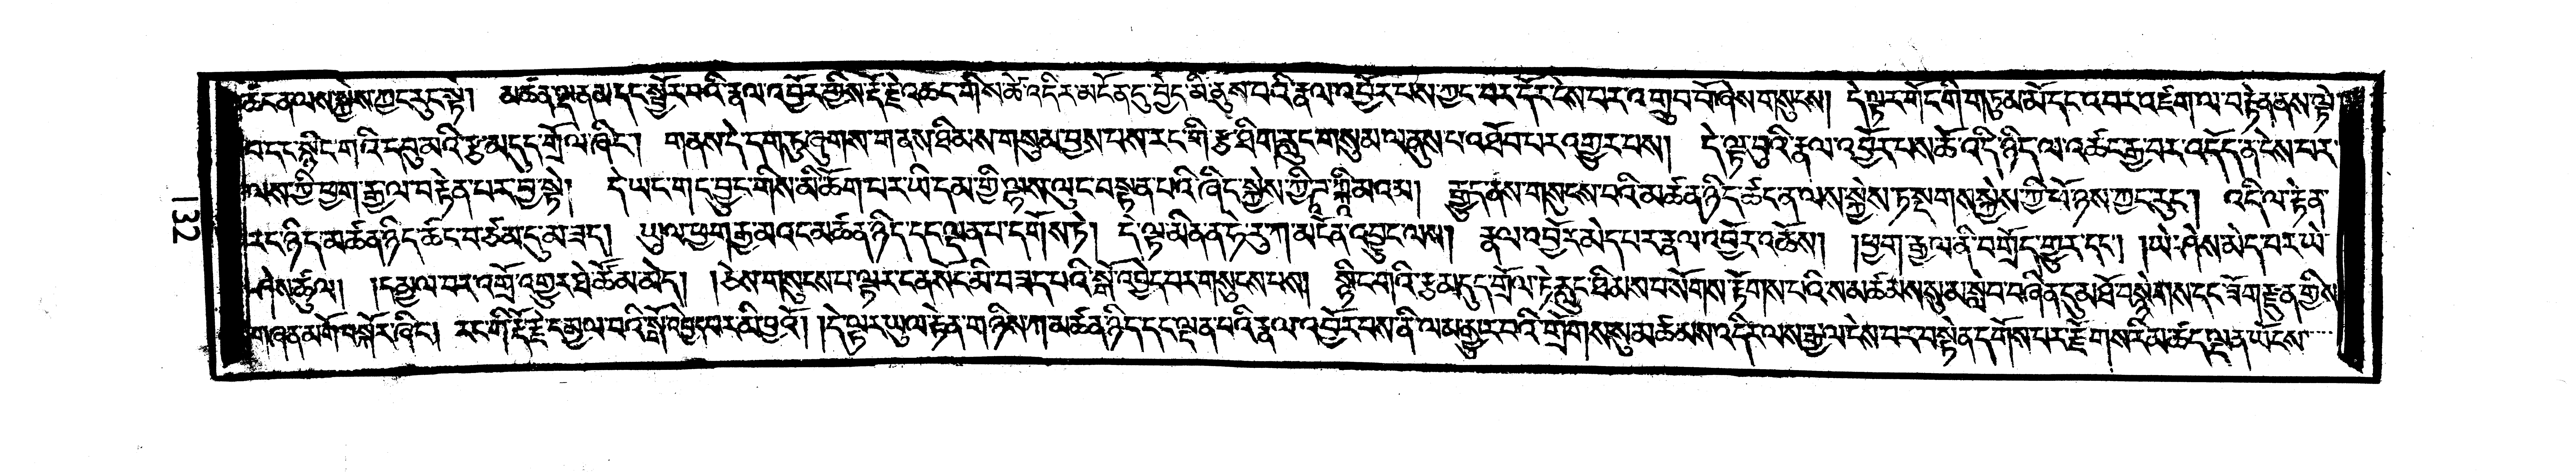ཚང་ན་ལས་སྐྱེས་ཀྱང་རུང་སྟེ། མཚན་ལྡན་མ་དང་སྦྱོར་པའི་རྣལ་འབྱོར་གྱིས་རྡོ་རྗེ་འཆང་གིས་ཚེ་འདིར་མངོན་དུ་བྱེད་མི་ནུས་ཕའི་རྣལ་འབྱོར་པས་ཀྱང་བར་དོར་ངེས་པར་འགྲུབ་བོ་ཞེས་གསུངས། དེ་ལྟར་གོང་གི་གཏུམ་མོ་དང་འབར་འཛག་ལ་བརྟེན་ནས་ལྟེ་
ཕ་དང་སྙིང་གའི་དབུ་མའི་རྩ་མདུང་གྲོལ་ཞིང་། གནས་དེ་དག་ཏུ་ཞུགས་གནས་ཐིམས་གསུམ་བྱས་པས་རང་གི་རྩ་ཐིག་རླུང་གསུམ་ལ་ནུས་པ་འཐོབ་པར་འགྱུར་བས། དེ་ལྟ་བུའི་རྣལ་འབྱོར་པས་ཚེ་འདི་ཉིད་ལ་འཚང་རྒྱ་བར་འདོད་ན་ངེས་པར་
ལས་ཀྱི་ཕྱག་རྒྱལ་བརྟེན་པར་བྱ་སྟེ། དེ་ཡང་གང་བྱུང་གིས་མི་ཆོག་པར་ཡི་དམ་གྱི་ལྷས་ལུང་བསྟན་པའི་ཞིང་སྐྱེས་ཀྱི་ཌཱ་ཀི་མའམ། རྒྱུད་ནས་གསུངས་པའི་མཚན་ཉིད་ཚང་ན་ལས་སྐྱེས་ཏེ་སྔགས་སྐྱེས་ཀྱི་ཕོ་ཉས་ཀྱང་རུང་། འདི་ལ་རྟེན་
རང་ཉིད་མཚན་ཉིད་ཚང་བ་ཙམ་དུ་མ་ཟད། ཡུལ་ཕྱག་རྒྱ་མའང་མཚན་ཉིད་དང་ལྡན་པ་དགོས་ཏེ། དེ་ལྟ་མིན་ན་ཧེ་རུ་ཀ་མངོན་འབྱུང་ལས། རྣལ་འབྱོར་མེད་པར་རྣལ་འབྱོར་ང་ཆོས། །ཕྱག་རྒྱལ་ནི་བགྲོད་གྱུར་དང་། །ཡེ་ཤེས་མེད་པར་ཡེ་
ཤེས་ཚུལ། །དམྱལ་བར་འགྲོ་འགྱུར་ཐེ་ཚོམ་མེད། །ཅེས་གསུངས་པ་ལྟར་ངན་སོང་མི་བཟད་པའི་སྒོ་འབྱེད་པར་གསུངས་པས། སྙིང་གའི་རྩ་མདུད་གྲོལ་ཏེ་རླུང་ཐིམས་པ་སོགས་རྟོགས་པའི་སམ་ཚམས་སུ་མ་སླེབ་བཞིན་དུ་མཐོ་བསྙེགས་དང་ཟོག་རྫུན་གྱིས་
གཞན་མགོ་བསྐོར་ཞིང་། རང་གི་རྡོ་རྗེ་དམྱལ་བའི་སྒོ་འབྱེད་པར་མི་བྱའོ། །དེ་ལྟར་ཡུལ་རྟེན་གཉིས་ཀ་མཚན་ཉིད་དང་ལྡན་པའི་རྣལ་འབྱོར་པས་ནི་ལམ་མྱུར་བའི་གྲོགས་སུ་མཚམས་འདིར་ལས་རྒྱ་ལ་ངེས་པར་བརྟེན་དགོས་པར་རྫོགས་རིམ་ཚད་ལྡན་ཡོངས་